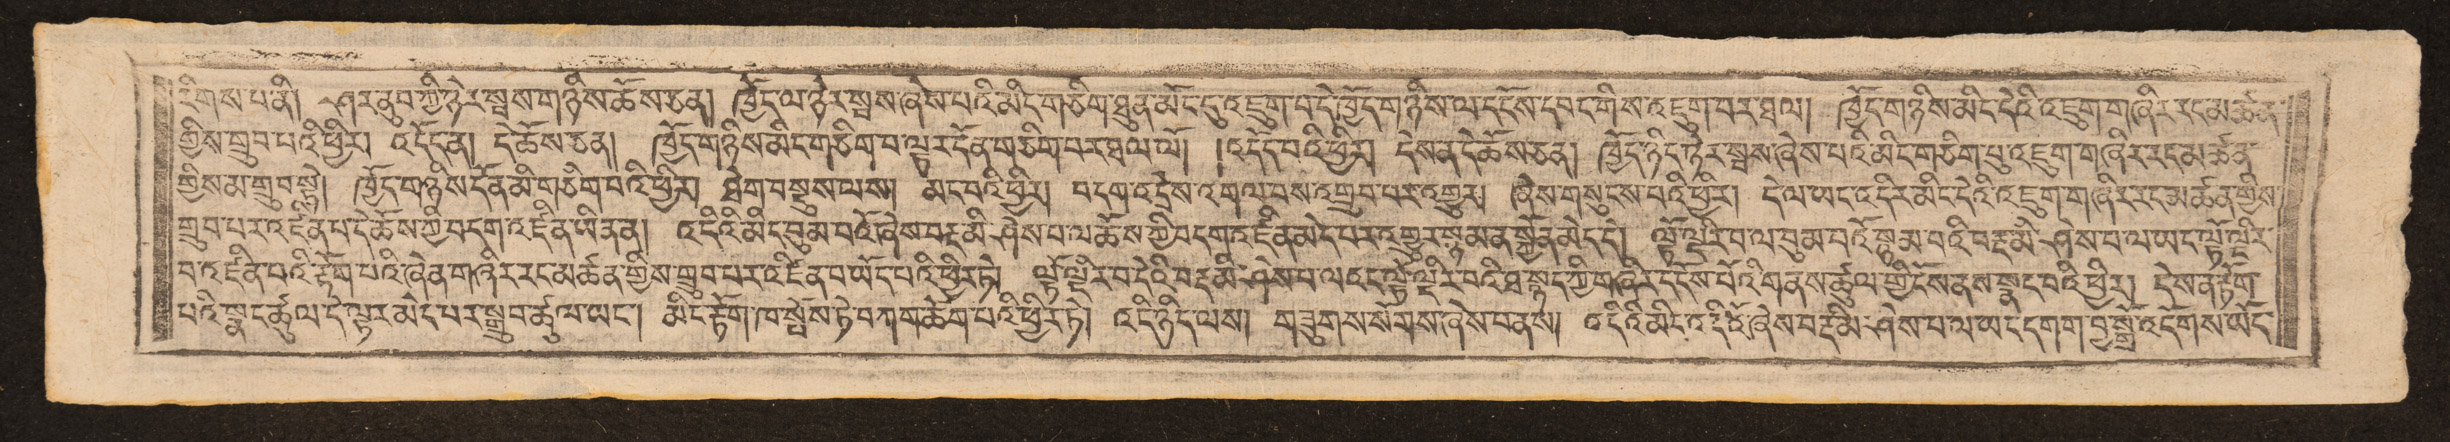རིགས་པ་ནི། ཤར་ནུབ་ཀྱི་ཉེར་སྦས་གཉིས་ཆོས་ཅན། ཁྱོད་ལ་ཉེར་སྦས་ཞེས་པའི་མིང་གཅིག་ཐུན་མོང་དུ་འཇུག་པ་དེ་ཁྱོད་གཉིས་ལ་དངོས་དབང་གིས་འཇུག་པར་ཐལ། ཁྱོད་གཉིས་མིང་དེའི་འཇུག་གཞིར་རང་མཚན་
གྱིས་གྲུབ་པའི་ཕྱིར། འདོད་ན། དེ་ཆོས་ཅན། ཁྱོད་གཉིས་མིང་གཅིག་པ་ལྟར་དོན་གཅིག་པར་ཐལ་ལོ། །འདོད་པའི་ཕྱིར། དེས་ན་དེ་ཆོས་ཅན། ཁྱོད་ཉིད་ཉེར་སྦས་ཞེས་པའི་མིང་གཅིག་པུ་འཇུག་གཞིར་རང་མཚན་
གྱིས་མ་གྲུབ་སྟེ། ཁྱོད་གཉིས་དོན་མི་གཅིག་པའི་ཕྱིར། ཐེག་པ་སྡུས་ལས། མང་བའི་ཕྱིར། བདག་འདྲེས་འགལ་བས་འགྲུབ་པར་འགྱུར། ཞེས་གསུངས་པའི་ཕྱིར། དེ་ལ་ཡང་འདིར་མིང་དེའི་འཇུག་གཞིར་རང་མཚན་གྱིས་
གྲུབ་པར་འཛིན་པ་དེ་ཆོས་ཀྱི་བདག་འཛིན་ཡིན་ན། འདིའི་མིང་བུམ་པའོ་ཞེས་བརྡ་མི་ཤེས་པ་ལ་ཆོས་ཀྱི་བདག་འཛིན་མེད་པར་འགྱུར་སྙམ་ན་སྐྱོན་མེད་དེ། ལྟོ་ལྡིར་བ་ལ་བུམ་པའོ་སྙམ་པའི་བརྡ་མི་ཤེས་པ་ལ་ཡང་ལྟོ་ལྡིར་
བ་འཛིན་པའི་རྟོག་པའི་ཞེན་གཞིར་རང་མཚན་གྱིས་གྲུབ་པར་འཛིན་པ་ཡོད་པའི་ཕྱིར་ཏེ། ལྟོ་ལྡིར་བ་དེའི་བརྡ་མི་ཤེས་པ་ལའང་ལྟོ་ལྡིར་པའི་ཐ་སྙད་ཀྱི་གཞིར་དངོས་པོའི་གནས་ཚུལ་གྱི་ངོས་ནས་སྣང་བའི་ཕྱིར། དེས་ན་རྟོག་
པའི་སྣང་ཚུལ་དེ་ལྟར་མེད་པར་སྒྲུབ་ཚུལ་ཡང་། མིང་རྟོག་ཁ་སྤོས་ཏེ་བཀག་ཆོག་པའི་ཕྱིར་ཏེ། འདི་ཉིད་ལས། གཟུགས་སོགས་ཞེས་པ་ནས། འདིའི་མིང་འདིའོ་ཞེས་བརྡ་མི་ཤེས་པ་ལ་ཡང་དགག་བྱ་སྒྲོ་འདོགས་ཡོད་